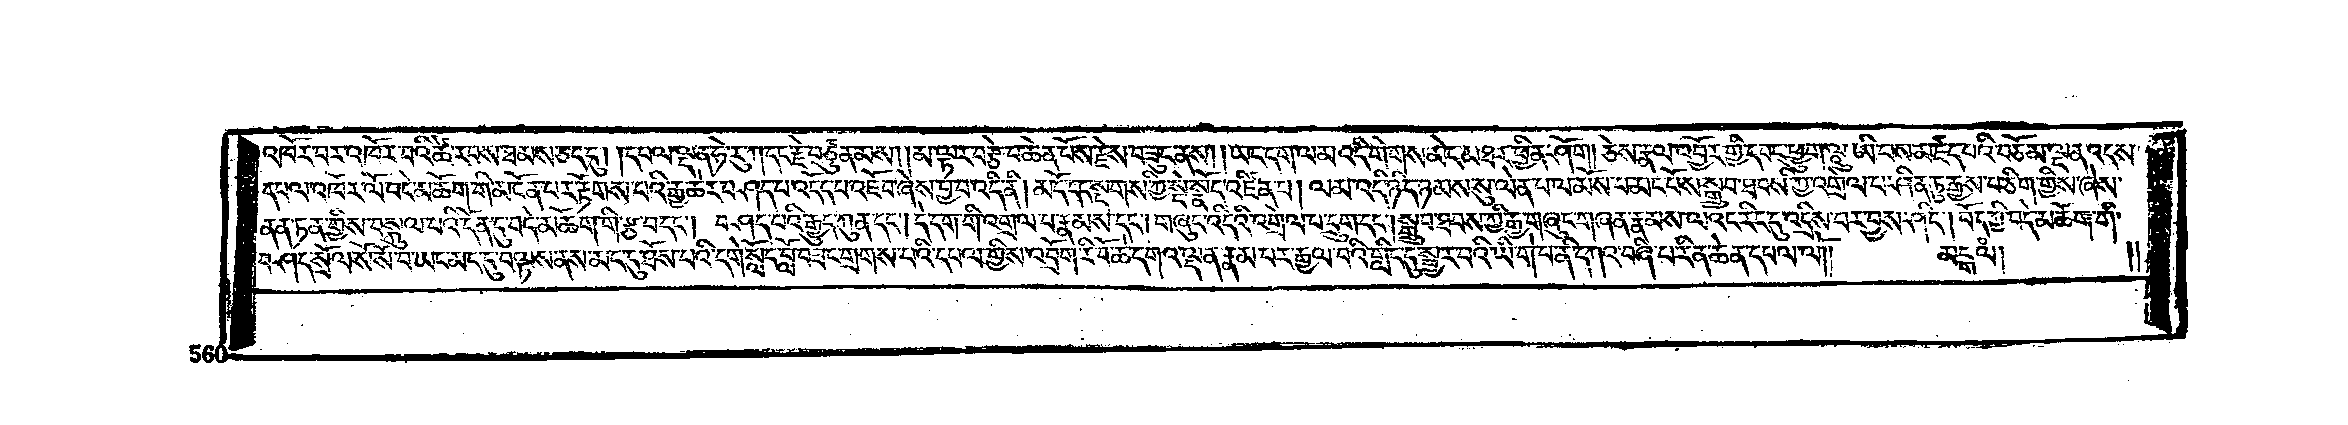འཁོར་བར་འཁོར་བའི་ཚེ་རབས་ཐམས་ཅད་དུ། །དཔལ་ལྡན་ཧེ་རུ་ཀ་དང་རྗེ་བཙུན་མས། །མ་ལྟར་བརྩེ་བ་ཆེན་པོས་རྗེས་བཟུང་ནས། །ཡང་དག་ལམ་འདི་གེགས་མེད་མཐར་ཕྱིན་ཤོག །ཅེས་རྣལ་འབྱོར་གྱི་དབང་ཕྱུག་ལཱུ་ཨི་པས་མཛད་པའི་བཅོམ་ལྡན་འདས་
དཔལ་འཁོར་ལོ་བདེ་མཆོག་གི་མངོན་པར་རྟོགས་པའི་རྒྱ་ཆེར་བཤད་པ་འདོད་པ་འཇོབ་ཞེས་བྱ་བ་འདི་ནི། མདོ་དང་སྔགས་ཀྱི་སྡེ་སྣོད་འཛིན་པ། ལམ་འདི་ཉིད་ཉམས་སུ་ལེན་པ་ལ་མོས་པ་མང་པོས་སྒྲུབ་ཐབས་ཀྱི་འགྲེལ་པ་ཤིན་ཏུ་རྒྱས་པ་ཅིག་གྱིས་ཞེས་
ནན་ཏན་གྱིས་བསྐུལ་བའི་དོན་དུ་བདེ་མཆོག་གི་རྩ་བ་དང་། བཤད་པའི་རྒྱུད་ཀུན་དང་། དེ་དག་གི་འགྲེལ་པ་རྣམས་དང་། གཞུང་འདིའི་འགྲེལ་པ་དྲུག་དང་། སྒྲུབ་ཐབས་ཀྱི་རྒྱ་གཞུང་གཞན་རྣམས་ལའང་རིང་དུ་འདྲིས་པར་བྱས་ཤིང་། བོད་ཀྱི་བདེ་མཆོག་གི་
བཤད་སྲོལ་སོ་སོ་བ་ཡང་མང་དུ་བལྟས་ནས་མང་དུ་ཐོས་པའི་དགེ་སློང་བློ་བཟང་གྲགས་པའི་དཔལ་གྱིས་འབྲོག་རི་བོ་ཆེ་དགའ་ལྡན་རྣམ་པར་རྒྱལ་བའི་གླིང་དུ་སྦྱར་བའི་ཡི་གེ་པ་ནི་དཀའ་བཞི་པ་རིན་ཆེན་དཔལ་ལོ། །མངྒ་ལཾ། །